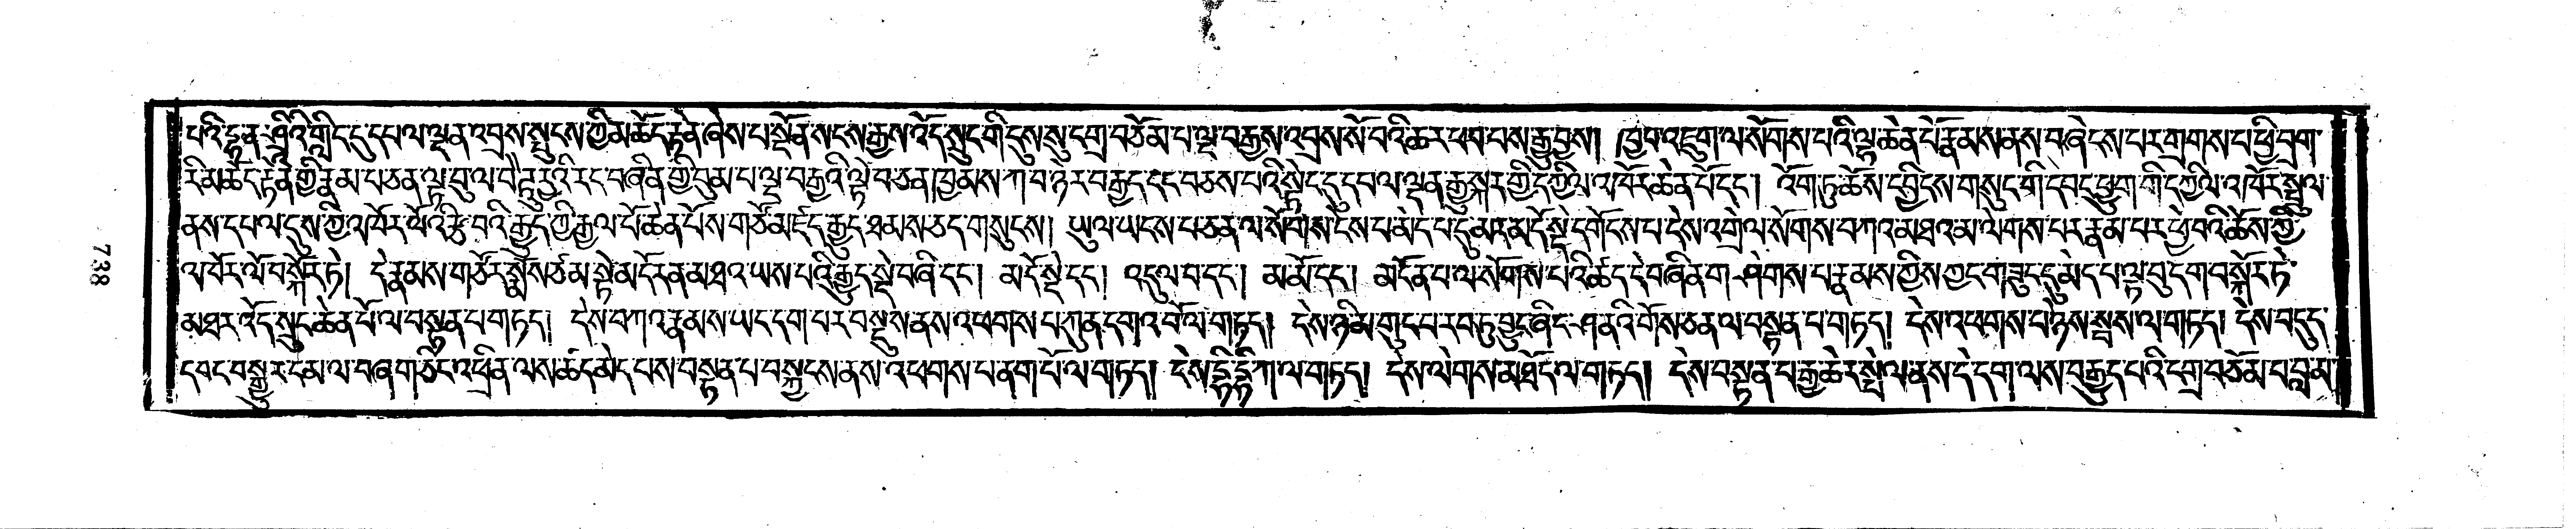པའི་དྷ་ན་ཤྲཱིའི་གླིང་དུ་དཔལ་ལྡན་འབྲས་སྤུངས་ཀྱི་མཆོད་རྟེན་ཞེས་པ་སྔོན་སངས་རྒྱས་འོད་སྲུང་གི་དུས་སུ་དགྲ་བཅོམ་པ་ལྔ་བརྒྱས་འབྲས་སོ་བའི་ཆར་ཕབ་པས་རྒྱུ་བྱས། ཁྱབ་འཇུག་ལ་སོགས་པའི་ལྷ་ཆེན་པོ་རྣམས་ནས་བཞེངས་པར་གྲགས་པ་ཕྱི་བྲག་
རི་མཆོད་རྟེན་གྱི་རྣམ་པ་ཅན་ལྟ་བུ་ལ་བཻ་ཌཱུརྱའི་རང་བཞིན་གྱི་བུམ་པ་ལྔ་བརྒྱའི་ལྟེ་བ་ཅན་ཁྱམས་ཀ་བ་ཉེར་བརྒྱད་དང་བཅས་པའི་སྟེང་དུ་དཔལ་ལྡན་རྒྱུ་སྐར་གྱི་དཀྱིལ་འཁོར་ཆེན་པོ་དང་། འོག་ཏུ་ཆོས་དབྱིངས་གསུང་གི་དབང་ཕྱུག་གི་དཀྱིལ་འཁོར་སྤྲུལ་
ནས་དཔལ་དུས་ཀྱི་འཁོར་ལོའི་རྩི་བའི་རྒྱུད་ཀྱི་རྒྱལ་པོ་ཆེན་པོས་གཙོ་མཛད་རྒྱུད་ཐམས་ཅད་གསུངས། ཡུལ་ཡངས་པ་ཅན་ལ་སོགས་ངེས་པ་མེད་པ་དུ་མར་མདོ་སྡེ་དགོངས་པ་ངེས་འགྲེལ་སོགས་བཀའ་མཐའ་མ་ལེགས་པར་རྣམ་པར་ཕྱེ་བའི་ཆོས་ཀྱི་
འཁོར་ལོ་བསྐོར་ཏེ། དེ་རྣམས་གཙོར་སྨོས་ཙམ་སྟེ་མདོར་ན་མཐའ་ཡས་པའི་རྒྱུད་སྡེ་བཞི་དང་། མདོ་སྡེ་དང་། འདུལ་བ་དང་། མ་མོ་དང་། མངོན་པ་ལ་སོགས་པའི་ཚད་དེ་བཞིན་གཤེགས་པ་རྣམས་ཀྱིས་ཀྱང་གཟུང་དུ་མེད་པ་ལྟ་བུ་དག་བསྐོར་ཏེ་
མཐར་འོད་སྲུང་ཆེན་པོ་ལ་བསྟན་པ་གཏད། དེས་བཀའ་རྣམས་ཡང་དག་པར་བསྡུས་ནས་འཕགས་པ་ཀུན་དགའ་བོ་ལ་གཏད། དེས་ཉི་མ་གུང་པ་རབ་ཏུ་བྱུང་ཞིང་ཤ་ནའི་གོས་ཅན་ལ་བསྟན་པ་གཏད། དེས་འཕགས་པེ་ཉས་སྦལ་ལ་གཏད། དེས་བདུད་
དབང་བསྒྱུར་དམ་ལ་བཞག་ཅིང་འཕྲིན་ལས་ཚད་མེད་པས་བསྟན་པ་བསྐྱངས་ནས་འཕགས་པ་ནག་པོ་ལ་གཏད། ངེས་དྷི་དྷི་ཀ་ལ་གཏད། དེས་ལེགས་མཐོད་ལ་གཏད། དེས་བསྟན་པ་རྒྱ་ཆེར་སྤེལ་ནས་དེ་དག་ལས་བརྒྱུད་པའི་དགྲ་བཅོམ་པ་བླ་མ་